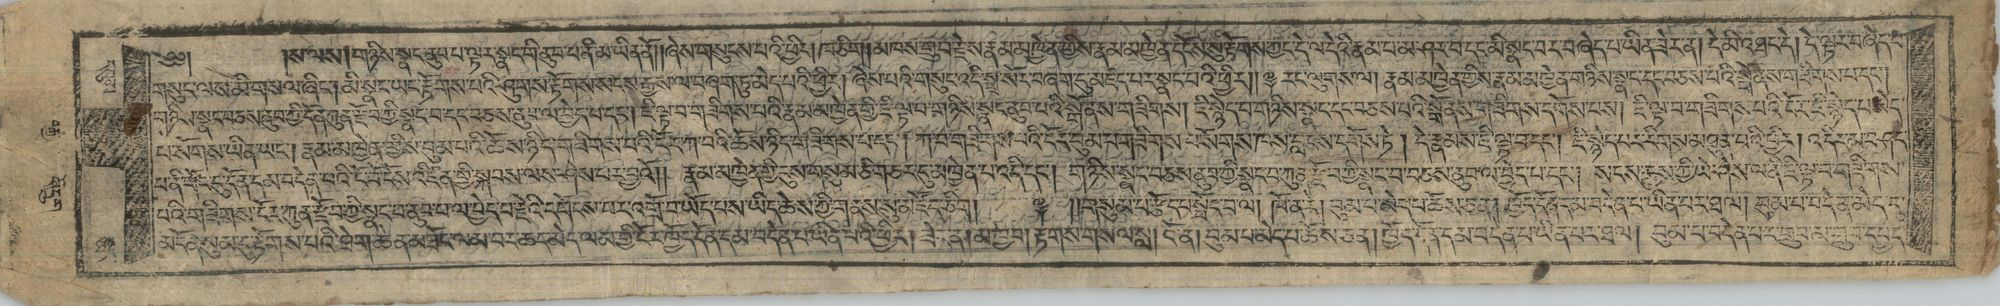༄༅། །ས་ལས། གཉིས་སྣང་ནུབ་པ་ལྟར་སྣང་གི་ནུབ་པ་ནི་མ་ཡིན་ནོ། །ཞེས་གསུངས་པའི་ཕྱིར། ཁ་ཅིག ། མཁས་གྲུབ་རྗེས་རྣམ་མཁྱེན་གྱིས་རྣམ་མཁྱེན་དངོས་སུ་རྟོགས་ཀྱང་དེ་ལ་དེའི་རྣམ་པ་མ་ཤར་བ་དང་མི་སྣང་བར་བཞེད་པ་ཡིན་ཟེར་ན། དེ་མི་འཐད་དེ། དེ་ལྟར་བཞེད་པ་
གསུང་ལས་མི་གསལ་ཞིང་། མི་སྣང་ཡང་རྟོགས་པའི་ཤུགས་རྟོགས་སངས་རྒྱས་ལ་བཞག་ཏུ་མེད་པའི་ཕྱིར། ཞེས་པའི་གསུང་འདི་སྒྲ་སོར་བཞག་དུ་མཛད་པར་སྣང་བའི་ཕྱིར།། ༈ རང་ལུགས་ལ། རྣམ་མཁྱེན་གྱིས་རྣམ་མཁྱེན་གཉིས་སྣང་དང་བཅས་པའི་སྒོ་ནས་གཟིགས་པ་དང་།
གཉིས་སྣང་བཅས་ནུབ་ཀྱི་དོན་ཀུན་རྫོབ་ཀྱི་སྣང་བ་དང་བཅས་ནུབ་ལ་བྱེད་པ་དང་། ཇི་ལྟ་བ་གཟིགས་པའི་རྣམ་མཁྱེན་གྱི་ཇི་ལྟ་བ་གཉིས་སྣང་ནུབ་པའི་སྒོ་ནས་གཟིགས། ཇི་སྙེད་པ་གཉིས་སྣང་དང་བཅས་པའི་སྒོ་ནས་གཟིགས་དགོས་པས། ཇི་ལྟ་བ་གཟིགས་པའི་ངོར་ཇི་སྙེད་པ་མེད་
པ་སོགས་ཡིན་ཡང་། རྣམ་མཁྱེན་གྱིས་བུམ་པའི་ཆོས་ཉིད་གཟིགས་པའི་ངོར་ཀ་བའི་ཆོས་ཉིད་གཟིགས་པ་དང་། ཀ་བ་གཟིགས་པའི་ངོར་བུམ་པ་གཟིགས་པ་སོགས་ཁས་བླངས་དགོས་ཏེ། དེ་རྣམས་ཇི་ལྟ་བ་དང་། ཇི་སྙེད་པར་རིགས་མཐུན་པའི་ཕྱིར། འདིར་མ་བཤད་
པ་ནི་གོང་དུ་དོན་དམ་བདེན་པའི་ངོ་བོ་ངོས་འཛིན་གྱི་སྐབས་ལས་ཤེས་པར་བྱའོ།། རྣམ་མཁྱེན་གྱི་དུས་གསུམ་ཅིག་ཅར་དུ་མཁྱེན་པ་འདི་དང་། གཉིས་སྣང་བཅས་ནུབ་ཀྱི་སྣང་བ་ཀུན་རྫོབ་ཀྱི་སྣང་བ་བཅས་ནུབ་ལ་བྱེད་པ་དང་། སངས་རྒྱས་ཀྱི་ཡེ་ཤེས་ལ་ནི་ཇི་ལྟ་བ་གཟིགས་
པའི་གཟིགས་ངོར་ཀུན་རྫོབ་ཀྱི་སྣང་བ་ནུབ་པ་ལ་བྱེད་པ་རྗེའི་དགོངས་པར་འགྲོ་བ་ཡོད་པས་ཡིད་ཆེས་ཀྱི་གནས་སུ་མཛོད་ཅིག ། ༈ །།གསུམ་པ་རྩོད་པ་སྤོང་བ་ལ། ཁོ་ན་རེ། བུམ་པ་མེད་པ་ཆོས་ཅན། ཁྱོད་དོན་དམ་བདེན་པ་ཡིན་པར་ཐལ། བུམ་པ་བདེན་མེད་དུ་
མངོན་སུམ་དུ་རྟོགས་པའི་ཐེག་ཆེན་མཐོང་ལམ་བར་ཆད་མེད་ལམ་གྱི་ངོར་ཁྱོད་དོན་དམ་བདེན་པ་ཡིན་པའི་ཕྱིར། ཟེར་ན། མ་ཁྱབ། རྟགས་གསལ་སླ། འོ་ན། བུམ་པ་མེད་པ་ཆོས་ཅན། ཁྱོད་དོན་དམ་བདེན་པ་ཡིན་པར་ཐལ། བུམ་པ་བདེན་པར་གྲུབ་མ་གྲུབ་དཔྱད་